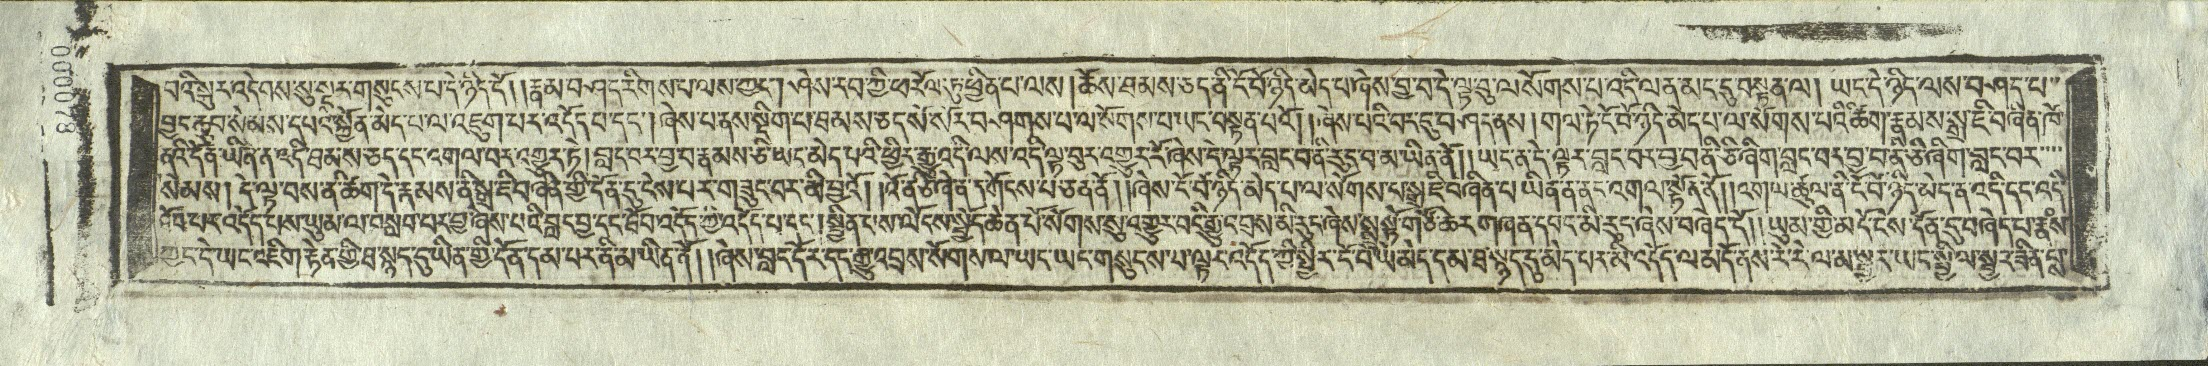པའི་སྐུར་འདེབས་སུ་སྔར་གསུངས་པ་དེ་ཉིད་དོ། །རྣམ་བཤད་རིགས་པ་ལས་ཀྱང་། ཤེས་རབ་ཀྱི་ཕ་རོལ་ཏུ་ཕྱིན་པ་ལས། ཆོས་ཐམས་ཅད་ནི་ངོ་བོ་ཉིད་མེད་པ་ཞེས་བྱ་བ་དེ་ལྟ་བུ་ལ་སོགས་པ་འདི་ལན་མང་དུ་བསྟན་ལ། ཡང་དེ་ཉིད་ལས་བཤད་པ་
བྱང་ཆུབ་སེམས་དཔའ་སྐྱོན་མེད་པ་ལ་འཇུག་པར་འདོད་པ་དང་། ཞེས་པ་ནས་སྡིག་པ་ཐམས་ཅད་སོ་སོར་བཤགས་པ་ལ་སོགས་པ་ཡང་བསྟན་པའོ། །ཞེས་པའི་བར་དུ་བཤད་ནས། གལ་ཏེ་ངོ་བོ་ཉིད་མེད་པ་ལ་སོགས་པའི་ཚིག་རྣམས་སྒྲ་ཇི་བཞིན་ཁོ་
ནའི་དོན་ཡིན་ན་འདི་ཐམས་ཅད་དང་འགལ་བར་འགྱུར་ཏེ། བླང་བར་བྱ་བ་རྣམས་ཅི་ཡང་མེད་པའི་ཕྱིར་རྒྱུ་འདི་ལས་འདི་ལྟ་བུར་འགྱུར་རོ་ཞེས་དེ་ལྟར་བླང་བ་ནི་རུང་བ་མ་ཡིན་ནོ། །ཡང་ན་དེ་ལྟར་བླང་བར་བྱ་བ་ནི་ཅི་ཞིག་བླང་བར་བྱ་བ་ནི་ཅི་ཞིག་བླང་བར་
སེམས། དེ་ལྟ་བས་ན་ཚིག་དེ་རྣམས་ནི་སྒྲ་ཇི་བཞིན་གྱི་དོན་དུ་ངེས་པར་གཟུང་བར་མི་བྱའོ། །འོ་ན་ཅི་ཞེ་ན་དགོངས་པ་ཅན་ནོ། །ཞེས་ངོ་བོ་ཉིད་མེད་པ་ལ་སེགས་པ་སྒྲ་ཇི་བཞིན་པ་ཡིན་ན་ནང་འགལ་སྟོན་ནོ། །འགལ་ཚུལ་ནི་ངོ་བོ་ཉིད་མེད་ན་འདི་དང་འདི་
ཐོབ་པར་འདོད་པས་ཡུམ་ལ་བསླབ་པར་བྱ་ཞེས་པའི་བླང་བྱ་དང་ཐོབ་འདོད་ཀྱི་འདོད་པ་དང་། སྤྱིན་པས་ལོངས་སྤྱོད་ཆེན་པོ་སོགས་སུ་འགྱུར་བའི་རྒྱུ་འབྲས་མི་རུང་ཞེས་སྨྲ་སྟེ་གཙོ་ཆེར་གཞན་དབང་མི་རུང་ཞེས་བཞེད་དོ། །ཡུམ་གྱི་མདོ་ངེས་དོན་དུ་བཞེད་པ་རྣཾས་
ཀྱང་དེ་ཡང་འཇིག་རྟེན་གྱི་ཐ་སྙད་དུ་ཡིན་གྱི་དོན་དམ་པར་ནི་མ་ཡིན་ནོ། །ཞེས་བླང་དོར་དང་རྒྱུ་འབྲས་སོགས་ལ་ཡང་ཡང་གསུངས་བ་ལྟར་འདོད་ཀྱི་སྤྱིར་ངོ་བོ་ཡེ་མེད་དམ་ཐ་སྙད་དུ་མེད་པར་མི་འདོད་ལ་མདོ་ནས་རེ་རེ་ལ་མ་སྦྱར་ཡང་སྤྱི་ལ་སྦྱར་ཟིན་པས་